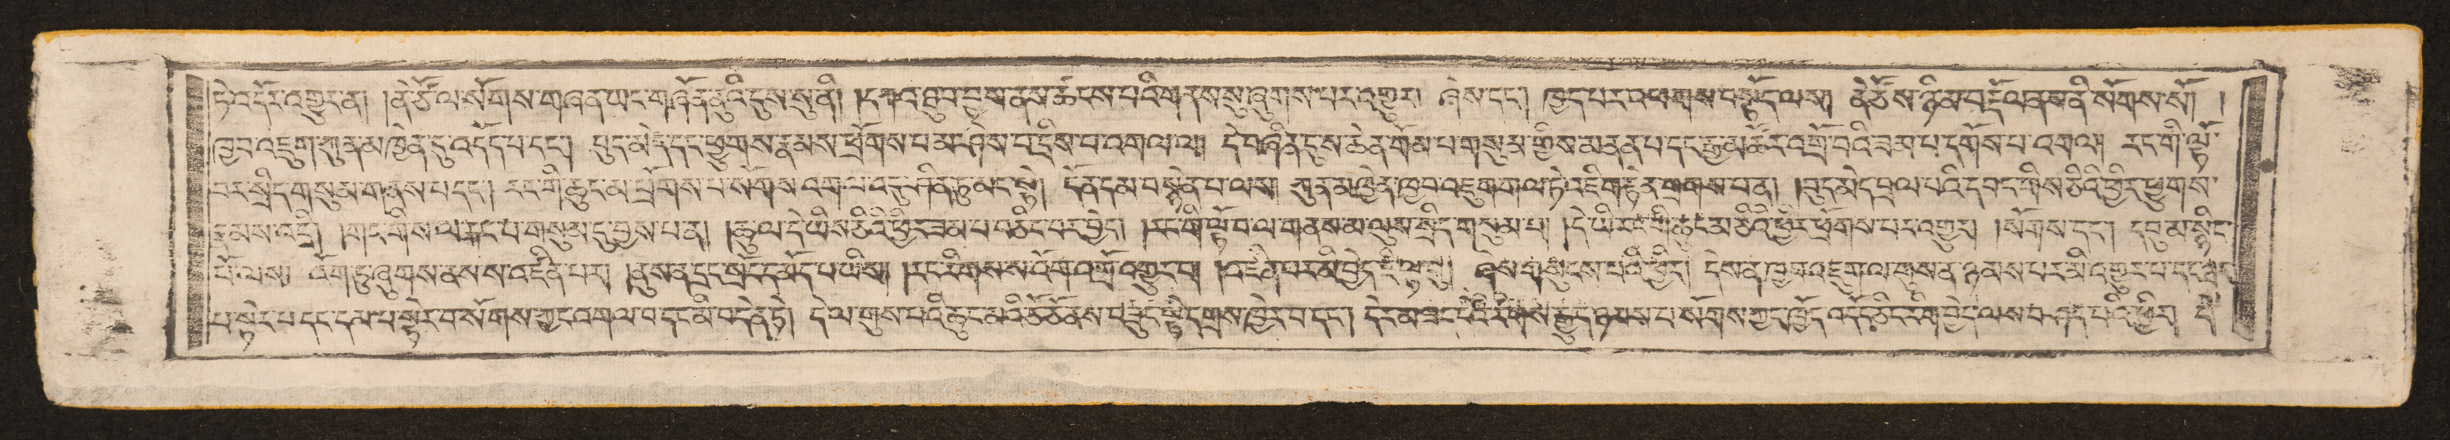ཏེ་འདོར་འགྱུར་ན། །ནེ་ཙོ་ལ་སོགས་གཞན་ཡང་གཞོན་ནུའི་དུས་སུ་ནི། །དཀའ་ཐུབ་བྱས་ནས་ཚངས་པའི་གནས་སུ་ཞུགས་པར་འགྱུར། ཞེས་དང་། ཁྱད་པར་འཕགས་བསྟོད་ལས། ནེ་ཙོས་ཉི་མ་བརྡོལ་ནས་ནི་སོགས་སོ། །
ཁྱབ་འཇུག་ཀུན་མཁྱེན་དུ་འདོད་པ་དང་། བུད་མེད་དང་ཕྱུགས་རྣམས་ཕྲོགས་པ་མ་ཤེས་པ་དྲིས་པ་འགལ་ལ། དེ་བཞིན་དུས་ཆེན་གོམ་པ་གསུམ་གྱིས་མནན་པ་དང་རྒྱ་མཚོར་འགྲོ་བའི་ཟམ་པ་དགོས་པ་འགལ། རང་གི་ལྟོ་
པར་སྲིད་གསུམ་གནས་པ་དང་། རང་གི་ཆུང་མ་ཕྲོགས་པ་སོགས་འགལ་འདུ་ཤིན་ཏུ་མང་སྟེ། དོན་དམ་བསྙེན་པ་ལས། ཀུན་མཁྱེན་ཁྱབ་འཇུག་གལ་ཏེ་འཇིག་རྟེན་གྲགས་པ་ན། །བུད་མེད་བྲལ་བའི་དབང་གིས་ཅིའི་ཕྱིར་ཕྱུགས་
རྣམས་འདྲི། །གང་གིས་ལ་རྐང་པ་གསུམ་དུ་བྱས་པ་ན། །ཆུ་ལ་དེ་ཡིས་ཅིའི་ཕྱིར་ཟམ་པ་བཅིང་བར་བྱེད། །རང་གི་ལྟོ་བ་ལ་གནས་མ་ལུས་སྲིད་གསུམ་པ། །དེ་ཡི་རང་གི་ཆུང་མ་ཅིའི་ཕྱིར་ཕྲོགས་པར་འགྱུར། །སོགས་དང་། དབུ་མ་སྙིང་
པོ་ལས། འོག་ཏུ་ཞུགས་ནས་ས་འཛིན་པར། །ནུས་ན་དྲང་སྲོང་དམོད་པ་ཡིས། །རང་རིགས་ས་འོག་འགྲོ་འགྱུར་བ། །འཛིན་པར་མི་བྱེད་ཇི་ལྟ་བུ། ཞེས་གསུངས་པའི་ཕྱིར། དེས་ན་ཁྱབ་འཇུག་ལ་གུས་ན་ཉམས་པར་མི་འགྱུར་པ་དང་ཐར་
པ་སྟེར་པ་དང་དམ་པ་སྟེར་བ་སོགས་ཀྱང་འགལ་བ་དང་མི་བདེན་ཏེ། དེ་ལ་གུས་པའི་ཆུང་མའི་ཅོ་ཅོ་ནས་བཟུང་སྟེ་དགྲས་ཁྱེར་པ་དང་། དེར་མ་ཟད་དེའི་རིགས་རྒྱུད་རྣམས་པ་སོགས་ཀྱང་ཁྱོད་འདོད་ཅིང་རིག་བྱེད་ལས་བཤད་པའི་ཕྱིར། དེ་